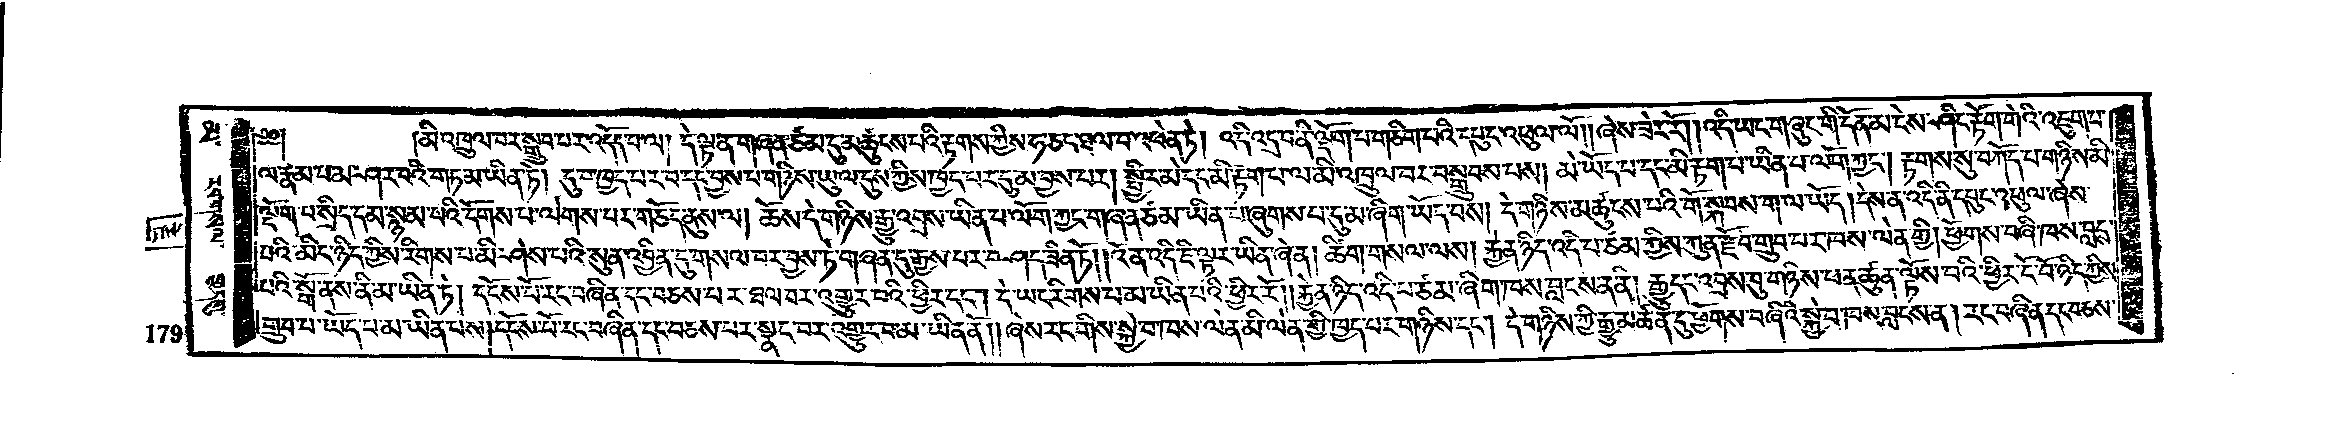༄༅། །མི་འཁྲུལ་བར་སྒྲུབ་པར་འདོད་པ་ལ། དེ་ལྟ་ན་གཞན་ཙམ་དུ་མཚུངས་པའི་རྟགས་ཀྱིས་ཧ་ཅང་ཐལ་བ་འཕེན་ཏེ། འདི་འདྲ་བ་ནི་ལྡོག་པ་གཅིག་པའི་དཔུང་འཕུལ་ལོ། །ཞེས་ཟེར་རོ། །འདི་ཡང་གཞུང་གི་དོན་མ་ངེས་ཤིང་རྟོག་གེའི་འཇུག་པ་
ལ་རྣམ་པ་མ་ཤར་བའི་གཏམ་ཡིན་ཏེ། དུ་བ་ཁྱད་པར་བ་དང་བྱས་པ་གཉིས་ཡུལ་དུས་ཀྱིས་ཁྱད་པར་དུ་མ་བྱས་པར། སྤྱིར་མེ་དང་མི་རྟག་པ་ལ་མི་འཁྲུལ་བར་བསྒྲུབས་པས། མེ་ཡོད་པ་དང་མི་རྟག་པ་ཡིན་པ་ལོག་ཀྱང་། རྟགས་སུ་བཀོད་པ་གཉིས་མི་
ལྡོག་པ་སྲིད་དམ་སྙམ་པའི་དོགས་པ་ལེགས་པར་གཅོད་ནུས་ལ། ཆོས་དེ་གཉིས་རྒྱུ་འབྲས་ཡིན་པ་ལོག་ཀྱང་གཞན་ཙམ་ཡིན་པ་ཞུགས་པ་དུ་མ་ཞིག་ཡོད་པས། དེ་གཉིས་མཚུངས་པའི་གོ་སྐབས་ག་ལ་ཡོད། དེས་ན་འདི་ནི་དཔུང་འཕུལ་ཞེས་
པའི་མིང་ཉིད་ཀྱིས་རིགས་པ་མི་ཤེས་པའི་སུན་འབྱིན་དུ་གསལ་བར་བྱས་ཏེ་གཞན་དུ་རྒྱས་པར་བཤད་ཟིན་ཏོ། །འོ་ན་འདི་ཇི་ལྟར་ཡིན་ཞེ་ན། ཚིག་གསལ་ལས། རྐྱེན་ཉིད་འདི་པ་ཙམ་ཀྱིས་ཀུན་རྫོབ་གྲུབ་པར་ཁས་ལེན་གྱི། ཕྱོགས་བཞི་ཁས་བླངས་
པའི་སྒོ་ནས་ནི་མ་ཡིན་ཏེ། དངོས་པོ་རང་བཞིན་དང་བཅས་པར་ཐལ་བར་འགྱུར་བའི་ཕྱིར་དང་དེ་ཡང་རིགས་པ་མ་ཡིན་པའི་ཕྱིར་རོ། །རྐྱེན་ཉིད་འདི་པ་ཙམ་ཞིག་ཁས་བླངས་ན་ནི། རྒྱུ་དང་འབྲས་བུ་གཉིས་ཕན་ཚུན་ལྟོས་བའི་ཕྱིར་ངོ་བོ་ཉིད་ཀྱིས་
གྲུབ་པ་ཡོད་པ་མ་ཡིན་པས། དངོས་པོ་རང་བཞིན་དང་བཅས་པར་སྣང་བར་འགྱུར་བ་མ་ཡིན་ནོ། །ཞེས་རང་གིས་སྐྱེ་བ་ཁས་ལེན་མི་ལེན་གྱི་ཁྱད་པར་གཉིས་དང་། དེ་གཉིས་ཀྱི་རྒྱུ་མཚན་དུ་ཕྱོགས་བཞིའི་སྐྱེ་བ་ཁས་བླངས་ན། རང་བཞིན་དང་བཅས་